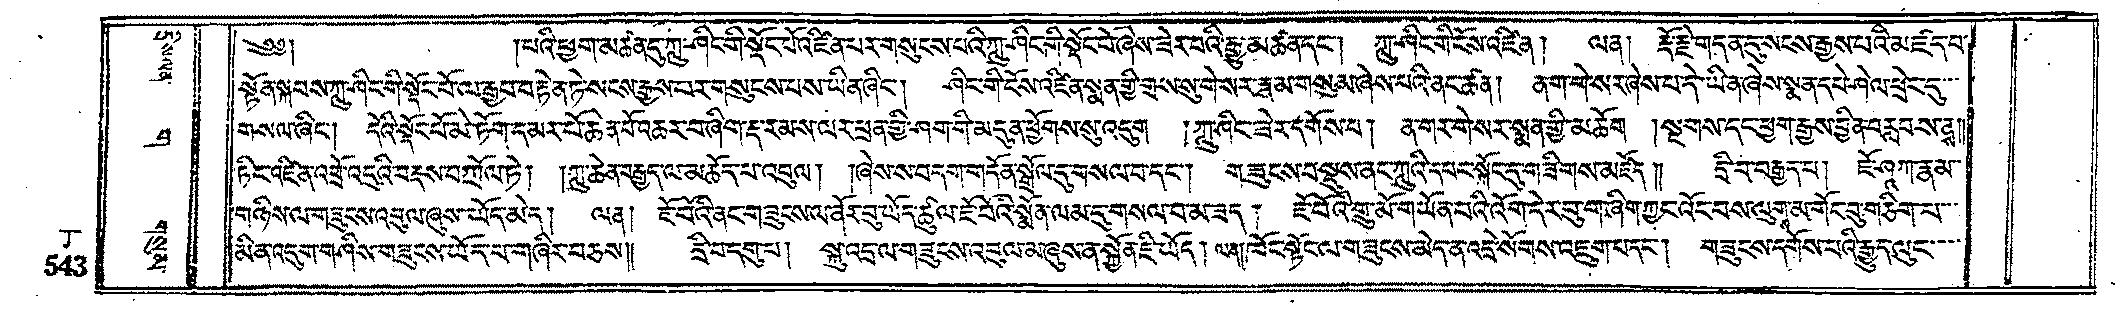༄༅། །པའི་ཕྱག་མཚན་དུ་ཀླུ་ཤིང་གི་སྡོང་པོ་འཛིན་པར་གསུངས་པའི་ཀླུ་ཤིང་གི་སྡོང་པོ་ཞེས་ཟེར་བའི་རྒྱུ་མཚན་དང་། ཀླུ་ཤིང་གི་ངོས་འཛིན། ལན། རྡོ་རྗེ་གདན་དུ་སངས་རྒྱས་པའི་མཛད་པ་
སྟོན་སྐབས་ཀླུ་ཤིང་གི་སྡོང་པོ་ལ་རྒྱབ་བརྟེན་ཏེ་སངས་རྒྱས་པར་གསུངས་པས་ཡིན་ཞིང་། ཤིང་གི་ངོས་འཛིན་སྨན་གྱི་གྲས་སུ་གེ་སར་རྣམ་གསུམ་ཞེས་པའི་ནང་ཚན། ན་ག་གེ་སར་ཞེས་པ་དེ་ཡིན་ཞེས་སྨན་དཔེ་ཤེལ་ཕྲེང་དུ་་་
གསལ་ཞིང་། དེའི་སྡོང་པོ་མེ་ཏོག་དམར་པོ་ཆེན་པོ་འཆར་བ་ཞིག་རྡ་རམ་ས་ལར་ཕྲན་གྱི་ཤག་གི་མདུན་ཕྱོགས་སུ་འདུག །ཀླུ་ཤིང་ཟེར་དགོས་པ། ན་གར་གེ་སར་སྨན་གྱི་མཆོག །སྔགས་དང་ཕྱག་རྒྱས་བྱིན་བརླབས་ནས།།
ཏིང་འཛིན་འཕྲོ་འདུའི་བརྡས་བཀྲོལ་ཏེ། །ཀླུ་ཆེན་བརྒྱད་ལ་མཆོད་པ་འབུལ། །ཞེས་ས་བདག་གདོན་སྒྲོལ་དུ་གསལ་བ་དང་། གཟུངས་བསྡུས་ནང་ཀླུའི་དཔང་སྐོང་དུ་གཟིགས་མཛོད།། དྲི་བ་བརྒྱད་པ། ཇོ་ཤཱཀ་རྣམ་་་
གཉིས་ལ་གཟུངས་འབུལ་ཞུས་ཡོད་མེད། ལན། ཇོ་བོའི་ནང་གཟུངས་ལ་ནོར་བུ་ཡོད་ཚུལ་ཇོ་བོའི་སྨོན་ལམ་དུ་གསལ་བ་མ་ཟད། ཇོ་བོའི་གྲུ་མོ་གཡོན་པའི་འོག་དེར་བུ་ག་ཞིག་ཀྱང་འོང་བས་ལུགས་མ་གོང་བུ་གཅིག་པ་་་
མིན་འདུག་གཤིས་གཟུངས་ཡོད་པ་གཞིར་བཅས།། དྲི་བ་དགུ་པ། སྐུ་འདྲ་ལ་གཟུངས་འབུལ་མ་ཞུས་ན་སྐྱོན་ཇི་ཡོད། ལན། ཁོང་སྟོང་ལ་གཟུངས་མེད་ན་འདྲེ་སོགས་འཇུག་པ་དང་། གཟུངས་དགོས་པའི་རྒྱུད་ལུང་་་